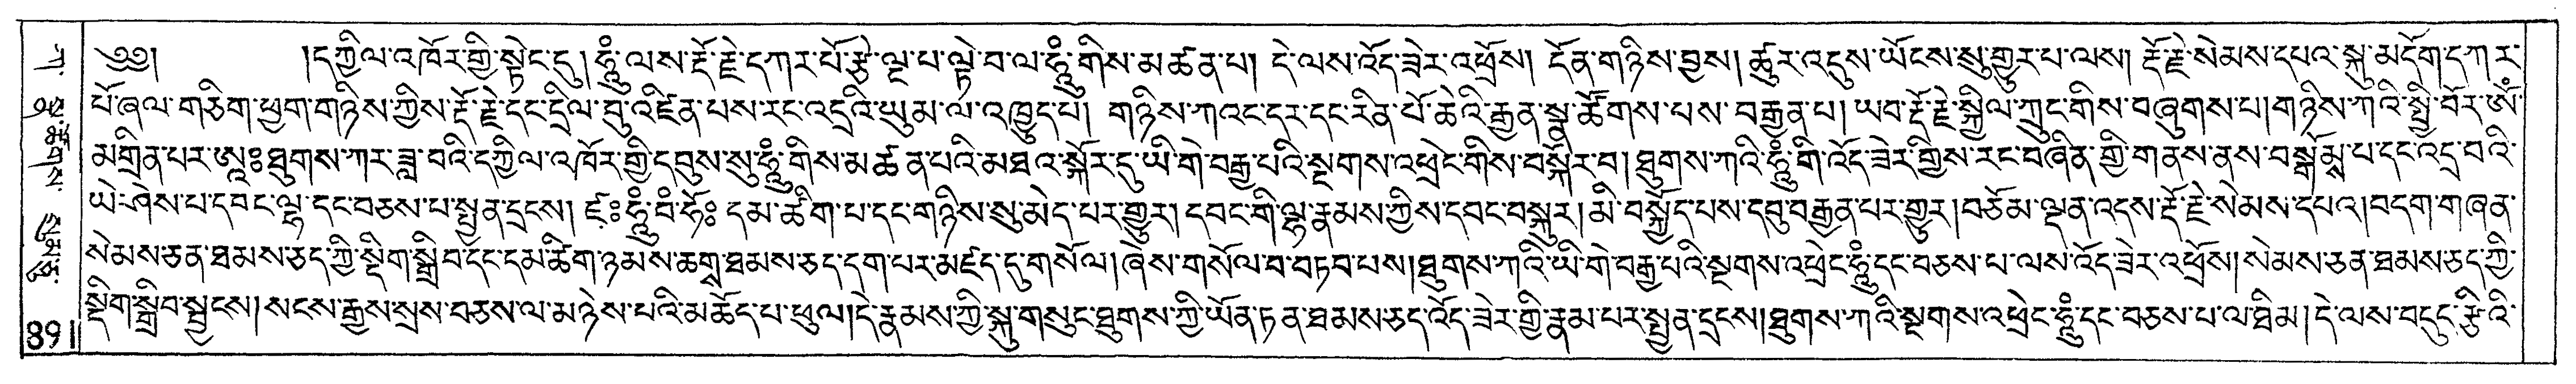༄༅། །དཀྱིལ་འཁོར་གྱི་སྟེང་དུ། ཧཱུཾ་ལས་རྡོ་རྗེ་དཀར་པོ་རྩེ་ལྔ་པ་ལྟེ་བ་ལ་ཧཱུཾ་གིས་མཚན་པ། དེ་ལས་འོད་ཟེར་འཕྲོས། དོན་གཉིས་བྱས། ཚུར་འདུས་ཡོངས་སུ་གྱུར་པ་ལས། རྡོ་རྗེ་སེམས་དཔའ་སྐུ་མདོག་དཀར་
པོ་ཞལ་གཅིག་ཕྱག་གཉིས་ཀྱིས་རྡོ་རྗེ་དང་དྲིལ་བུ་འཛིན་པས་རང་འདྲའི་ཡུམ་ལ་འཁྱུད་པ། གཉིས་ཀའང་དར་དང་རིན་པོ་ཆེའི་རྒྱན་སྣ་ཚོགས་པས་བརྒྱན་པ། ཡབ་རྡོ་རྗེ་སྐྱིལ་ཀྲུང་གིས་བཞུགས་པ། གཉིས་ཀའི་སྤྱི་བོར་ཨོཾ་
མགྲིན་པར་ཨཱཿ ཐུགས་ཀར་ཟླ་བའི་དཀྱིལ་འཁོར་གྱི་དབུས་སུ་ཧཱུཾ་གིས་མཚན་པའི་མཐའ་སྐོར་དུ་ཡི་གེ་བརྒྱ་པའི་སྔགས་འཕྲེང་གིས་བསྐོར་བ། ཐུགས་ཀའི་ཧཱུཾ་གི་འོད་ཟེར་གྱིས་རང་བཞིན་གྱི་གནས་ནས་བསྒོམས་པ་དང་འདྲ་བའི་
ཡེ་ཤེས་པ་དབང་ལྷ་དང་བཅས་པ་སྤྱན་དྲངས། ཛཿ ཧཱུཾ་བཾ་ཧོཿ དམ་ཚིག་པ་དང་གཉིས་སུ་མེད་པར་གྱུར། དབང་གི་ལྷ་རྣམས་ཀྱིས་དབང་བསྐུར། མི་བསྐྱོད་པས་དབུ་བརྒྱན་པར་གྱུར། བཅོམ་ལྡན་འདས་རྡོ་རྗེ་སེམས་དཔའ། བདག་གཞན་
སེམས་ཅན་ཐམས་ཅད་ཀྱི་སྡིག་སྒྲིབ་དང་དམ་ཚིག་ཉམས་ཆགས་ཐམས་ཅད་དག་པར་མཛད་དུ་གསོལ། ཞེས་གསོལ་བ་བཏབ་པས། ཐུགས་ཀའི་ཡི་གེ་བརྒྱ་པའི་སྔགས་འཕྲེང་ཧཱུཾ་དང་བཅས་པ་ལས་འོད་ཟེར་འཕྲོས། སེམས་ཅན་ཐམས་ཅད་ཀྱི་
སྡིག་སྒྲིབ་སྦྱངས། སངས་རྒྱས་སྲས་བཅས་ལ་མཉེས་པའི་མཆོད་པ་ཕུལ། དེ་རྣམས་ཀྱི་སྐུ་གསུང་ཐུགས་ཀྱི་ཡོན་ཏན་ཐམས་ཅད་འོད་ཟེར་གྱི་རྣམ་པར་སྤྱན་དྲངས། ཐུགས་ཀའི་སྔགས་འཕྲེང་ཧཱུཾ་དང་བཅས་པ་ལ་ཐིམ། དེ་ལས་བདུད་རྩིའི་